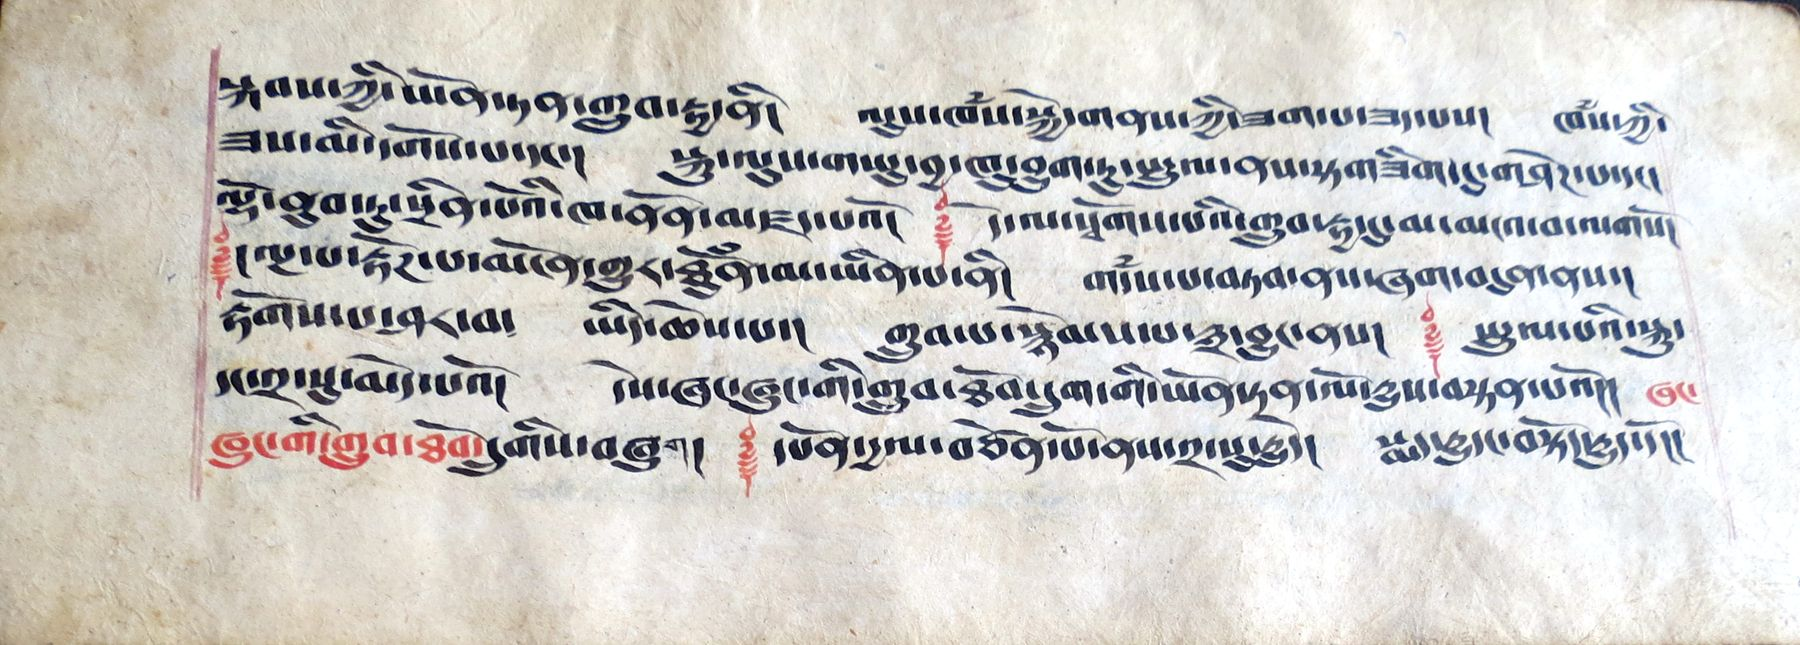ཀྱི་ཡོན་ཏན་གྲུབ་རྟགས་ནི། ལུས་ཁམས་སྐྱེ་གནས་ཀྱི་ཟག་པ་ཟད་པས། ཁམས་ཀྱི་
ཟས་མི་དགོས་པ་དང་། སྐུ་ལུས་གཡུ་བྱ་ཁུ་བྱུག་ཏུ་སྤྲུལ་ནས་རྟག་གཟིགས་སུ་གཤེགས་པ་དང་། 
ལྷོ་ནུབ་ཏུ་སྲིན་པོའི་ཁ་གནོན་མཛད་པའོ། ། དེ་ལས་སོགས་པའི་གྲུབ་རྟགས་དུ་མ་མངའ་བ་ལགས་སོ། ། 
ལྔ་པ་རྟོགས་པ་མངོན་གྱུར་ཐུན་མོང་མ་ཡིན་པ་ནི། གདམས་པ་བཏབ་ནས་ཞག་བདུན་ནས། 
རྟོགས་པ་ཤར་བ་ཡིད་ཆེས་པ་གྲུབ་པ་བསྙེམས་པ་གསུམ་བྱུང་ནས། སྤྲུལ་པའི་སྐུ་
དང་གཉིས་སུ་མེད་པ་ལགས་སོ། ། དེ་ཞང་ཞུང་གི་གྲུབ་ཐོབ་དྲུག་གི་ཡོན་ཏན་ལོ་རྒྱུས་བསྟན་པའོ། ། ཞང་
ཞུང་གི་གྲུབ་ཐོབ་དྲུག་གི་མཇུག་དཔོན་རྒྱལ་བཙན་པོ་ནས་གཉིས་སུ་བརྒྱུད་དེ། སྨད་རྒྱུད་དང་སྟོད་བརྒྱུད་དོ། །